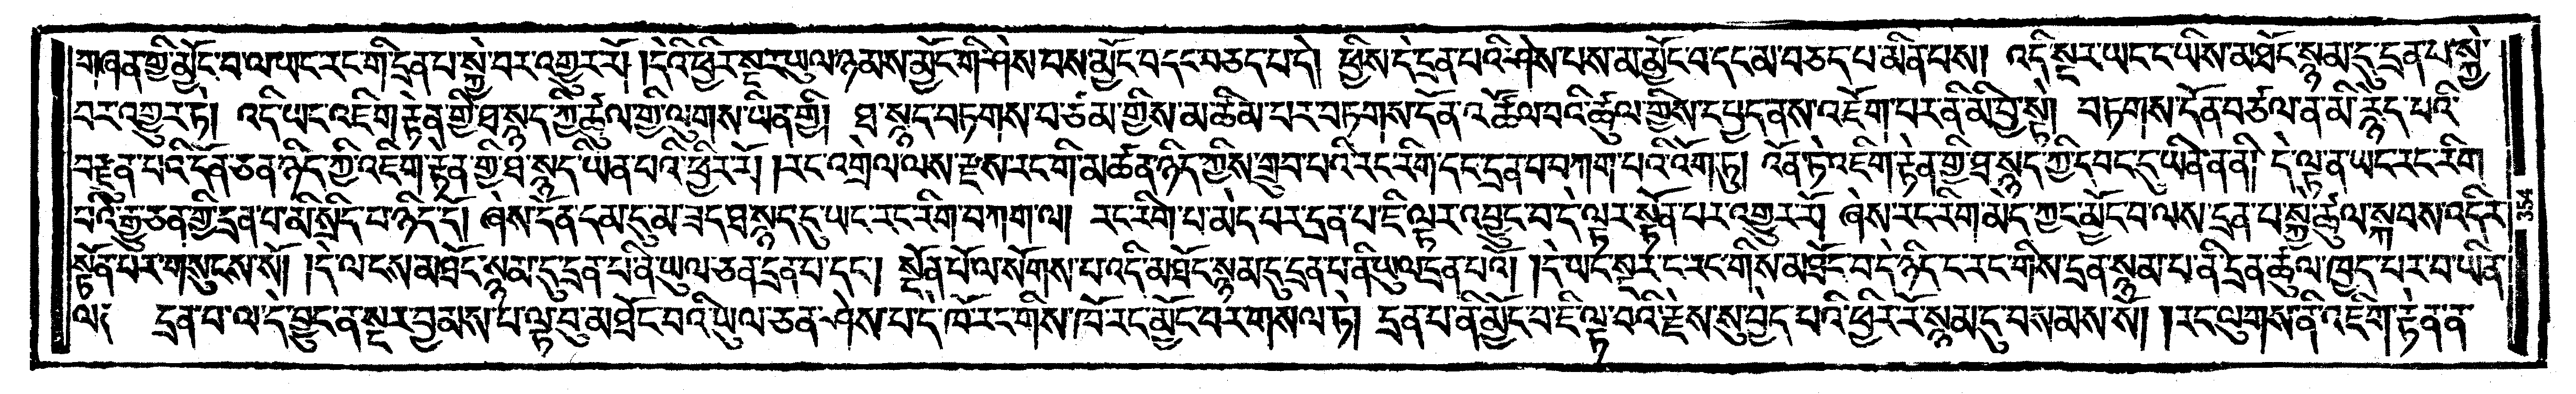གཞན་གྱི་མྱོང་བ་ལ་ཡང་རང་གི་དྲན་པ་སྐྱེ་བར་འགྱུར་རོ། །དེའི་ཕྱིར་སྔར་ཡུལ་ཉམས་མྱོང་གི་ཤེས་པས་མྱོང་བ་དང་བཅད་པ་དེ། ཕྱིས་དེ་དྲན་པའི་ཤེས་པས་མ་མྱོང་བ་དང་མ་བཅད་པ་མིན་པས། འདི་སྔར་ཡང་ང་ཡིས་མཐོང་སྙམ་དུ་དྲན་པ་སྐྱེ་
བར་འགྱུར་ཏེ། འདི་ཡང་འཇིག་རྟེན་གྱི་ཐ་སྙད་ཀྱི་ཚུལ་གྱི་ལུགས་ཡིན་གྱི། ཐ་སྙད་བཏགས་པ་ཙམ་གྱིས་མ་ཚིམ་པར་བཏགས་དོན་འཚོལ་བའི་ཚུལ་གྱིས་དཔྱད་ནས་འཇོག་པར་ནི་མི་བྱ་སྟེ། བཏགས་དོན་བཙལ་ན་མི་རྙེད་བའི་
བརྫུན་བའི་དོན་ཅན་ཉིད་ཀྱི་འཇིག་རྟེན་གྱི་ཐ་སྙད་ཡིན་པའི་ཕྱིར་རོ། །རང་འགྲེལ་ལས་རྫས་རང་གི་མཚན་ཉིད་ཀྱིས་གྲུབ་པའི་རང་རིག་དང་དྲན་པ་བཀག་པའི་འོག་ཏུ། འོན་ཏེ་འཇིག་རྟེན་གྱི་ཐ་སྙད་ཀྱི་དབང་དུ་ཡིན་ན་ནི། དེ་ལྟ་ན་ཡང་རང་རིག་
པའི་རྒྱུ་ཅན་གྱི་དྲན་པ་མི་སྲིད་པ་ཉིད་དོ། ཞེས་དོན་དམ་དུ་མ་ཟད་ཐ་སྙད་དུ་ཡང་རང་རིག་བཀག་ལ། རང་རིག་པ་མེད་པར་དྲན་པ་ཇི་ལྟར་འབྱུང་བ་དེ་ལྟར་སྟོན་པར་འགྱུར་རོ། ཞེས་རང་རིག་མེད་ཀྱང་མྱོང་བ་ལས་དྲན་པ་སྐྱེ་ཚུལ་སྐབས་འདིར་
སྟོན་པར་གསུངས་སོ། །དེ་ལ་ངས་མཐོང་སྙམ་དུ་དྲན་པ་ནི་ཡུལ་ཅན་དྲན་པ་དང་། སྔོན་པོ་ལ་སོགས་པ་འདི་མཐོང་སྙམ་དུ་དྲན་པ་ནི་ཡུལ་དྲན་པའོ། །དེ་ཡང་སྔར་ང་རང་གིས་མཐོང་བ་དེ་ཉིད་ང་རང་གིས་དྲན་སྙམ་པ་ནི་དྲན་ཚུལ་ཁྱད་པར་བ་ཡིན་
ལ༑ དྲན་པ་ལ་དེ་བྱུང་ན་སྔར་བྱམས་པ་ལྟ་བུ་མཐོང་བའི་ཡུལ་ཅན་ཤེས་པ་དེ་ཁོ་རང་གིས་ཁོ་རང་མྱོང་བར་གསལ་ཏེ། དྲན་པ་ནི་མྱོང་བ་ཇི་ལྟ་བའི་རྗེས་སུ་བྱེད་པའི་ཕྱིར་རོ་སྙམ་དུ་བསམས་སོ། །རང་ལུགས་ནི་འཇིག་རྟེན་ན་